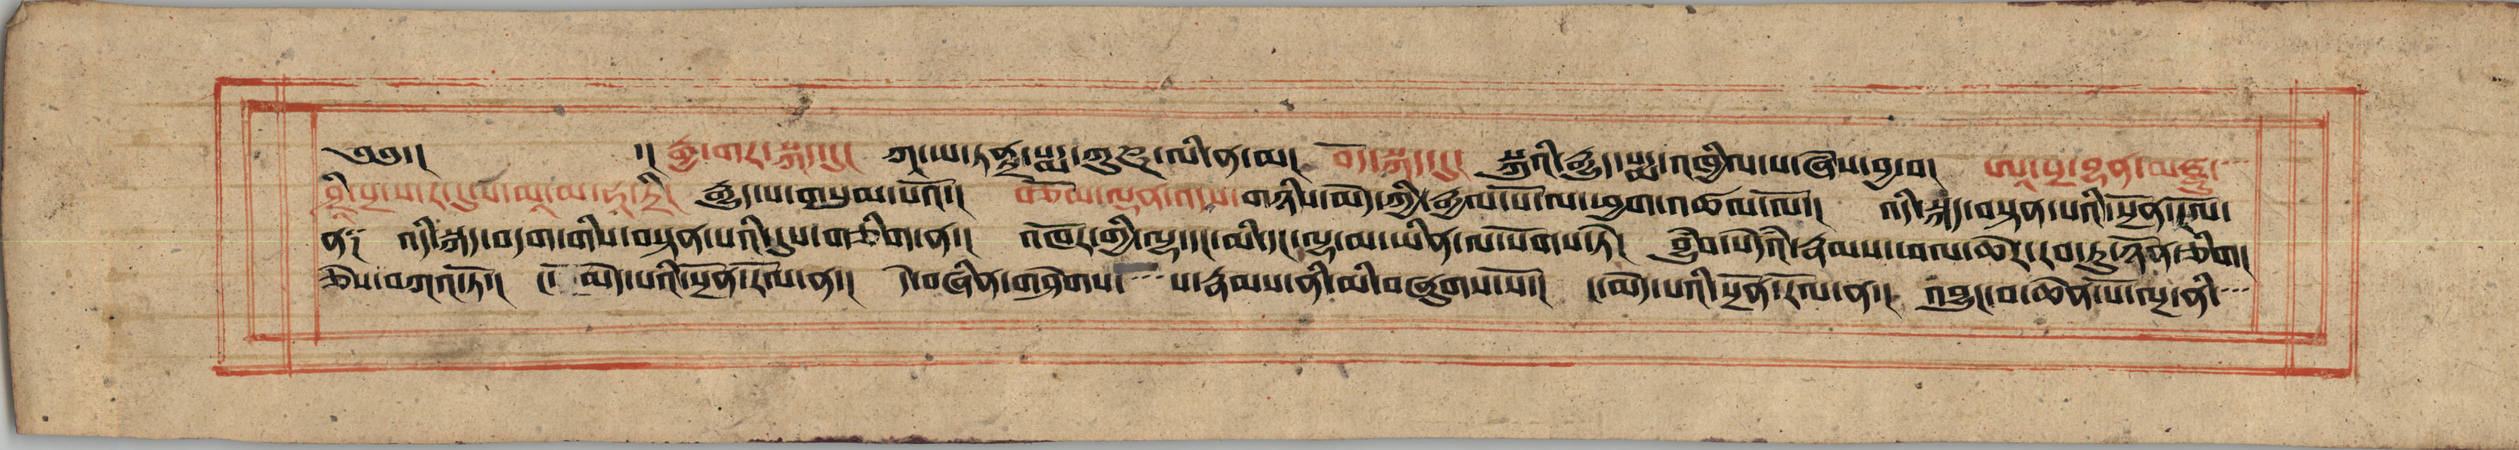༄༅་། ་།རྒྱ་གར་སྐད་དུ། ཀཱ་ཡ་ཏནྟྲ་པདྨ་གུཎྜ་ལི་ན་མ། བོད་སྐད་དུ། སྐུའི་རྒྱུད་པདྨ་འཁྱིལ་པ་ཞེས་བྱ་བ། ཨཱོྂ་པྲ་བྷན་མཛཱུ་
ཤྲཱི་པྲ་ས་རེ་དུ་ས་ལཱ་མ་ཧཱ་ཏྲི། རྒྱུད་ས་གསུམ་པའོ་། བཅོམ་ལྡན་འདས་གཉིས་མེད་ཀྱི་རྒྱལ་པོ་ལ་ཕྱག་འཚལ་ལོ་། འདི་སྐད་བསྟན་པའི་སྔོན་རོལ་
ན༑ འདི་སྐད་བདག་གིས་བསྟན་པའི་དུས་གཅིག་ན་། འཁོར་གྱི་ལྷ་དང་མི་དང་ལྷ་མ་ཡིན་ལ་སོགས་ཏེ། བྱུཾབ་སེདཾའ་རྣམས་ཕལ་ཆེར་རབ་ཏུ་ཉོན་ཅིག།
ཅེས་བཀའ་ཏོ་། ང་མེད་པའི་སྔོན་རོལ་ན་། དེ་བཞིན་གཤེགས་་་པ་རྣམས་ནི་མི་བཞུགས་སོ་། ང་མེད་པའི་སྔོན་རོལ་ན་། འབྱུང་བ་ཆེན་པོ་ལྔ་ནི་་